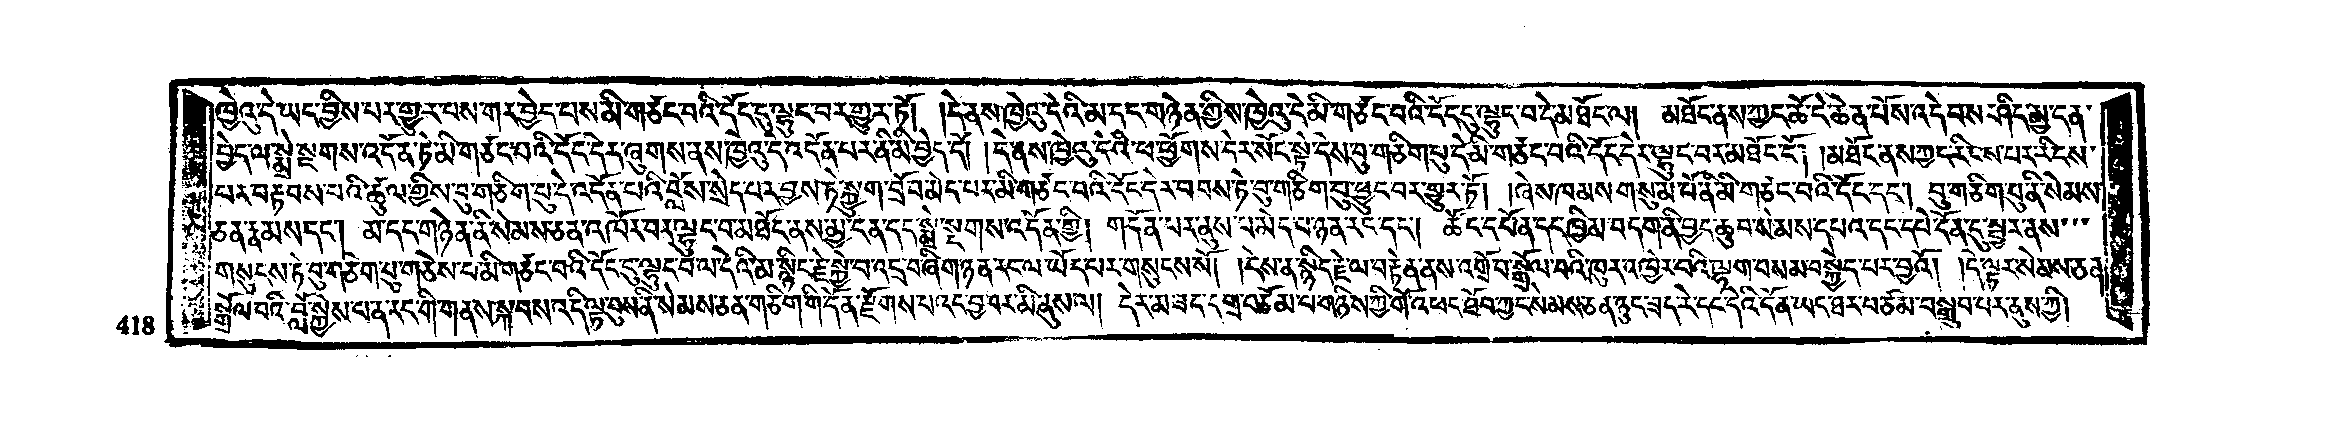ཁྱེའུ་དེ་ཡང་བྱིས་པར་གྱུར་པས་གར་བྱེད་པས་མི་གཙང་བའི་དོང་དུ་ལྷུང་བར་གྱུར་ཏོ། །དེ་ནས་ཁྱེའུ་དེའི་མ་དང་གཉེན་གྱིས་ཁྱེའུ་དེ་མི་གཙང་བའི་དོང་དུ་ལྷུང་བ་དེ་མཐོང་ལ། མཐོང་ནས་ཀྱང་ཆོ་དེ་ཆེན་པོས་འདེབས་ཤིང་མྱ་ངན་
བྱེད་ལ་སྨྲེ་སྔགས་འདོན་ཏེ་མི་གཙང་བའི་དོང་དེར་ཞུགས་ནས་ཁྱེའུ་དེ་འདོན་པར་ནི་མི་བྱེད་དོ། །དེ་ནས་ཁྱེའུ་དེའི་ཕ་ཕྱོགས་དེར་སོང་སྟེ་དེས་བུ་གཅིག་པུ་དེ་མི་གཙང་བའི་དོང་དེར་ལྷུང་བར་མཐོང་ངོ། །མཐོང་ནས་ཀྱང་རིངས་པར་རིངས་
པར་བརྟིབས་པའི་ཚུལ་གྱིས་བུ་གཅིག་པུ་དེ་འདོན་པའི་བློས་སྲེད་པར་བྱས་ཏེ་སྐྱུག་བྲོ་བ་མེད་པར་མི་གཙང་བའི་དོང་དེར་བབས་ཏེ་བུ་གཅིག་པུ་ཕྱུང་བར་གྱུར་ཏོ། །ཞེས་ཁམས་གསུམ་པོ་ནི་མི་གཙང་བའི་དོང་དང་། བུ་གཅིག་པུ་ནི་སེམས་
ཅན་རྣམས་དང་། མ་དང་གཉེན་ནི་སེམས་ཅན་འཁོར་བར་ལྷུང་བ་མཐོང་ནས་མྱ་ངན་དང་སྨྲེ་སྔགས་འདོན་གྱི། གདོན་པར་ནུས་པ་མེད་པ་ཉན་རང་དང་། ཚོང་དཔོན་དང་ཁྱིམ་བདག་ནི་བྱང་ཆུབ་སེམས་དཔའ་དང་དཔེ་དོན་དུ་སྦྱར་ནས་
གསུངས་ཏེ་བུ་གཅིག་པུ་གཅེས་པ་མི་གཙང་བའི་དོང་དུ་ལྷུང་བ་ལ་དེའི་མ་སྙིང་རྗེ་སྐྱེ་བ་འདྲ་བ་ཞིག་ཉན་རང་ལ་ཡོད་པར་གསུངས་སོ། །དེས་ན་སྙིང་རྗེ་ལ་བརྟེན་ནས་འགྲོ་བ་སྒྲོལ་བའི་ཁུར་འཁྱེར་བའི་ལྷག་བསམ་བསྐྱེད་པར་བྱའོ། །དེ་ལྟར་སེམས་ཅན་
སྒྲོལ་བའི་བློ་སྐྱེས་པ་ན་རང་གི་གནས་སྐབས་འདི་ལྟ་བུས་ནི་སེམས་ཅན་གཅིག་གི་དོན་རྫོགས་པའང་བྱ་བར་མི་ནུས་ལ། དེར་མ་ཟད་དགྲ་བཅོམ་པ་གཉིས་ཀྱི་གོ་འཕང་ཐོབ་ཀྱང་སེམས་ཅན་ཉུང་ཟད་རེ་དང་དེའི་དོན་ཡང་ཐར་པ་ཙམ་བསྒྲུབ་པར་ནུས་ཀྱི།